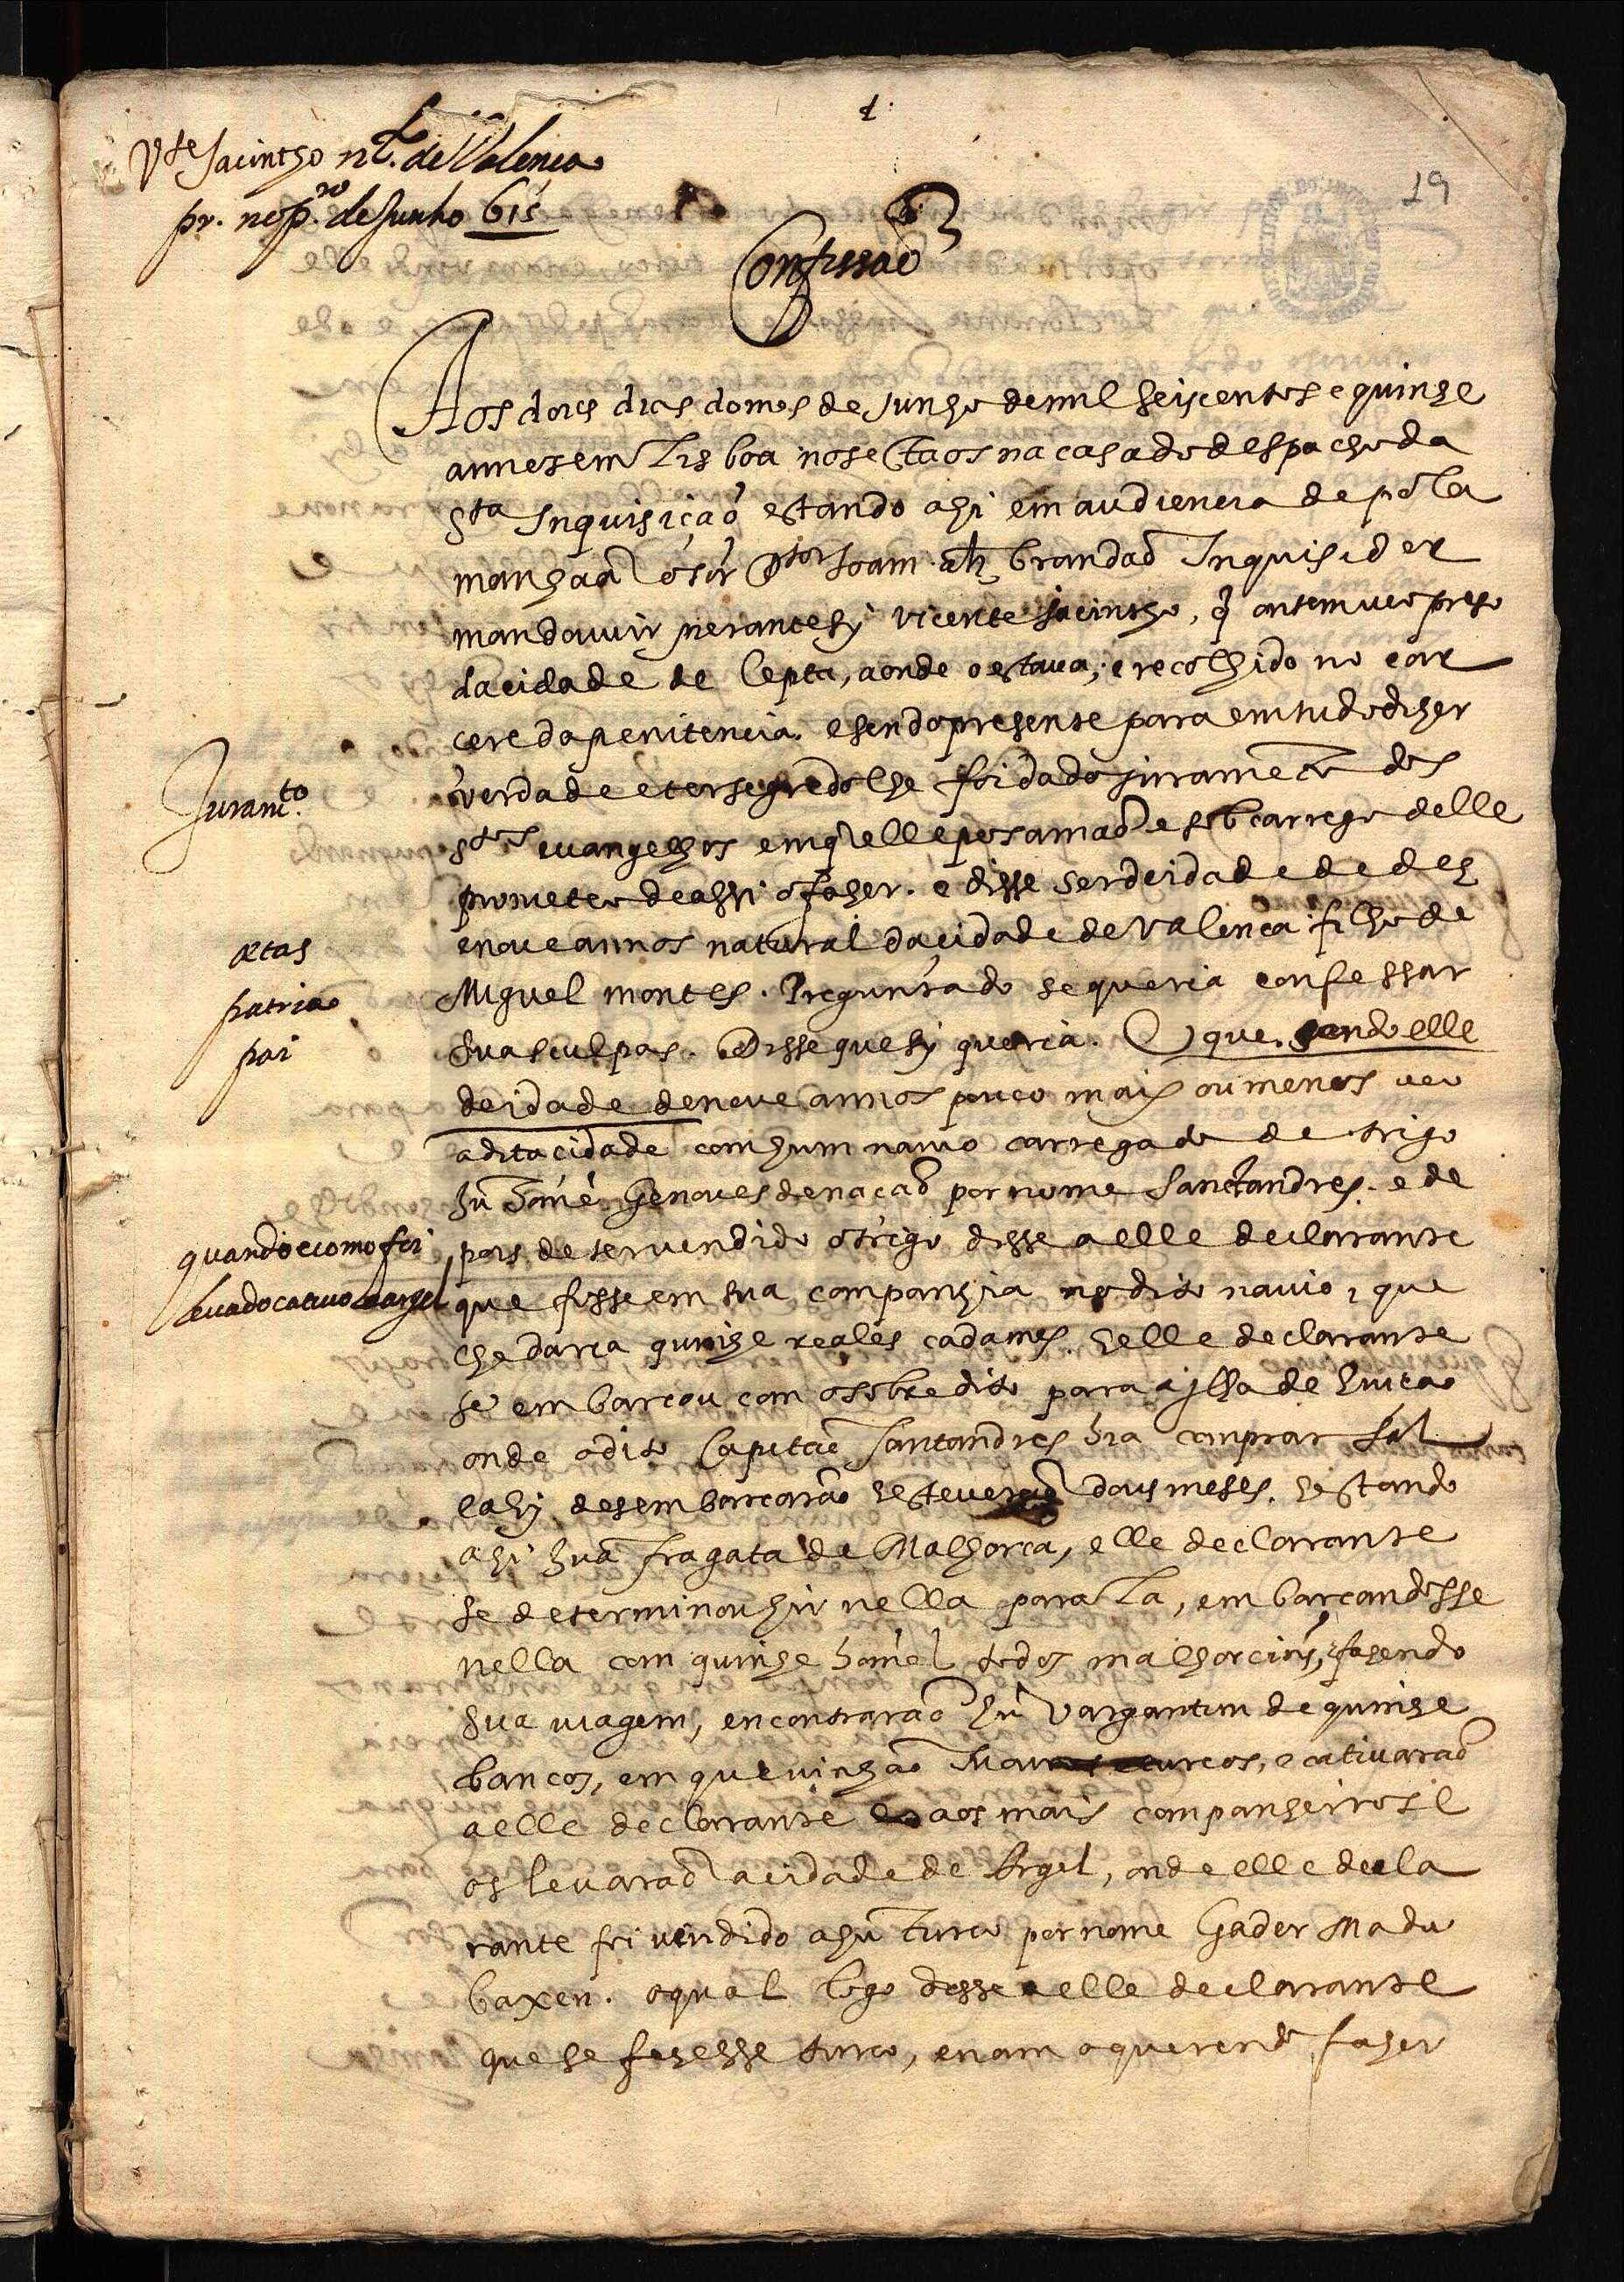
Vte Jacintho nt.o de Valença
pr. no p.ro de Junho 615
Confissaõ
Aos dous dias do mes de Junho de mil seiscentos e quinze
annos em Lisboa nos estaos na casa do despacho da
Sta Inquisiçaõ estando ahi em audiencia de pola
manhaã o sōr Dtor Ioam al̄z brandaõ Inquisidor
mandou uir perante sy vicente jacintho, q̄ ontem ueo preso
da cidade de Cepta, aonde o estaua; e recolhido no car
cere da penitencia e sendo presente para em tudo dizer
verdade e ter segredo lhe foi dado juramēto dos
Juram.to
stos euangelhos em q̄ elle pos a maõ e sob carrego delle
prometeo de assi o fazer. e disse ser de idade de dez
anoue annos natural da cidade de valença filho de
ætas
Miguel montes. Preguntado se queria confessar
patria
suas culpas. Disse que sy queria. E que sendo elle
pai
de idade de noue annos pouco mais ou menos ueo
a dita cidade com hum nauio carregado de trigo
hū homē Genoues de naçaõ por nome Sanctandres e de
pois de ser uendido o trigo disse a elle declarante
quando e como foi
leuado catiuo a argel
que fosse em sua companhia no dito nauio, que
lhe daria quinze reales cada mes. E elle declarante
se embarcou com o sobredito para a jlha de Euiça
onde o dito Capitaõ Santandres hia comprar saL
e ahj desembarcaraõ E esteueraõ dous meses. E estando
ahi huā fragata de Malhorca, elle declarante
se determinou hir nella para La, embarcandosse
nella com quinze homẽs todos malhorcin̄s, fazendo
sua uiagem, encontraraõ hū vargantem de quinze
bancos, em que uinhão Mauros turcos, e catiuaraõ
a elle declarante e aos mais companheiros e
os leuaraõ a cidade de Argel, onde elle decla
rante foi uendido a hū turco por nome Gader Madu
baxen. o qual logo disse a elle declarante
que se fezesse turco, e nam o querendo fazer
